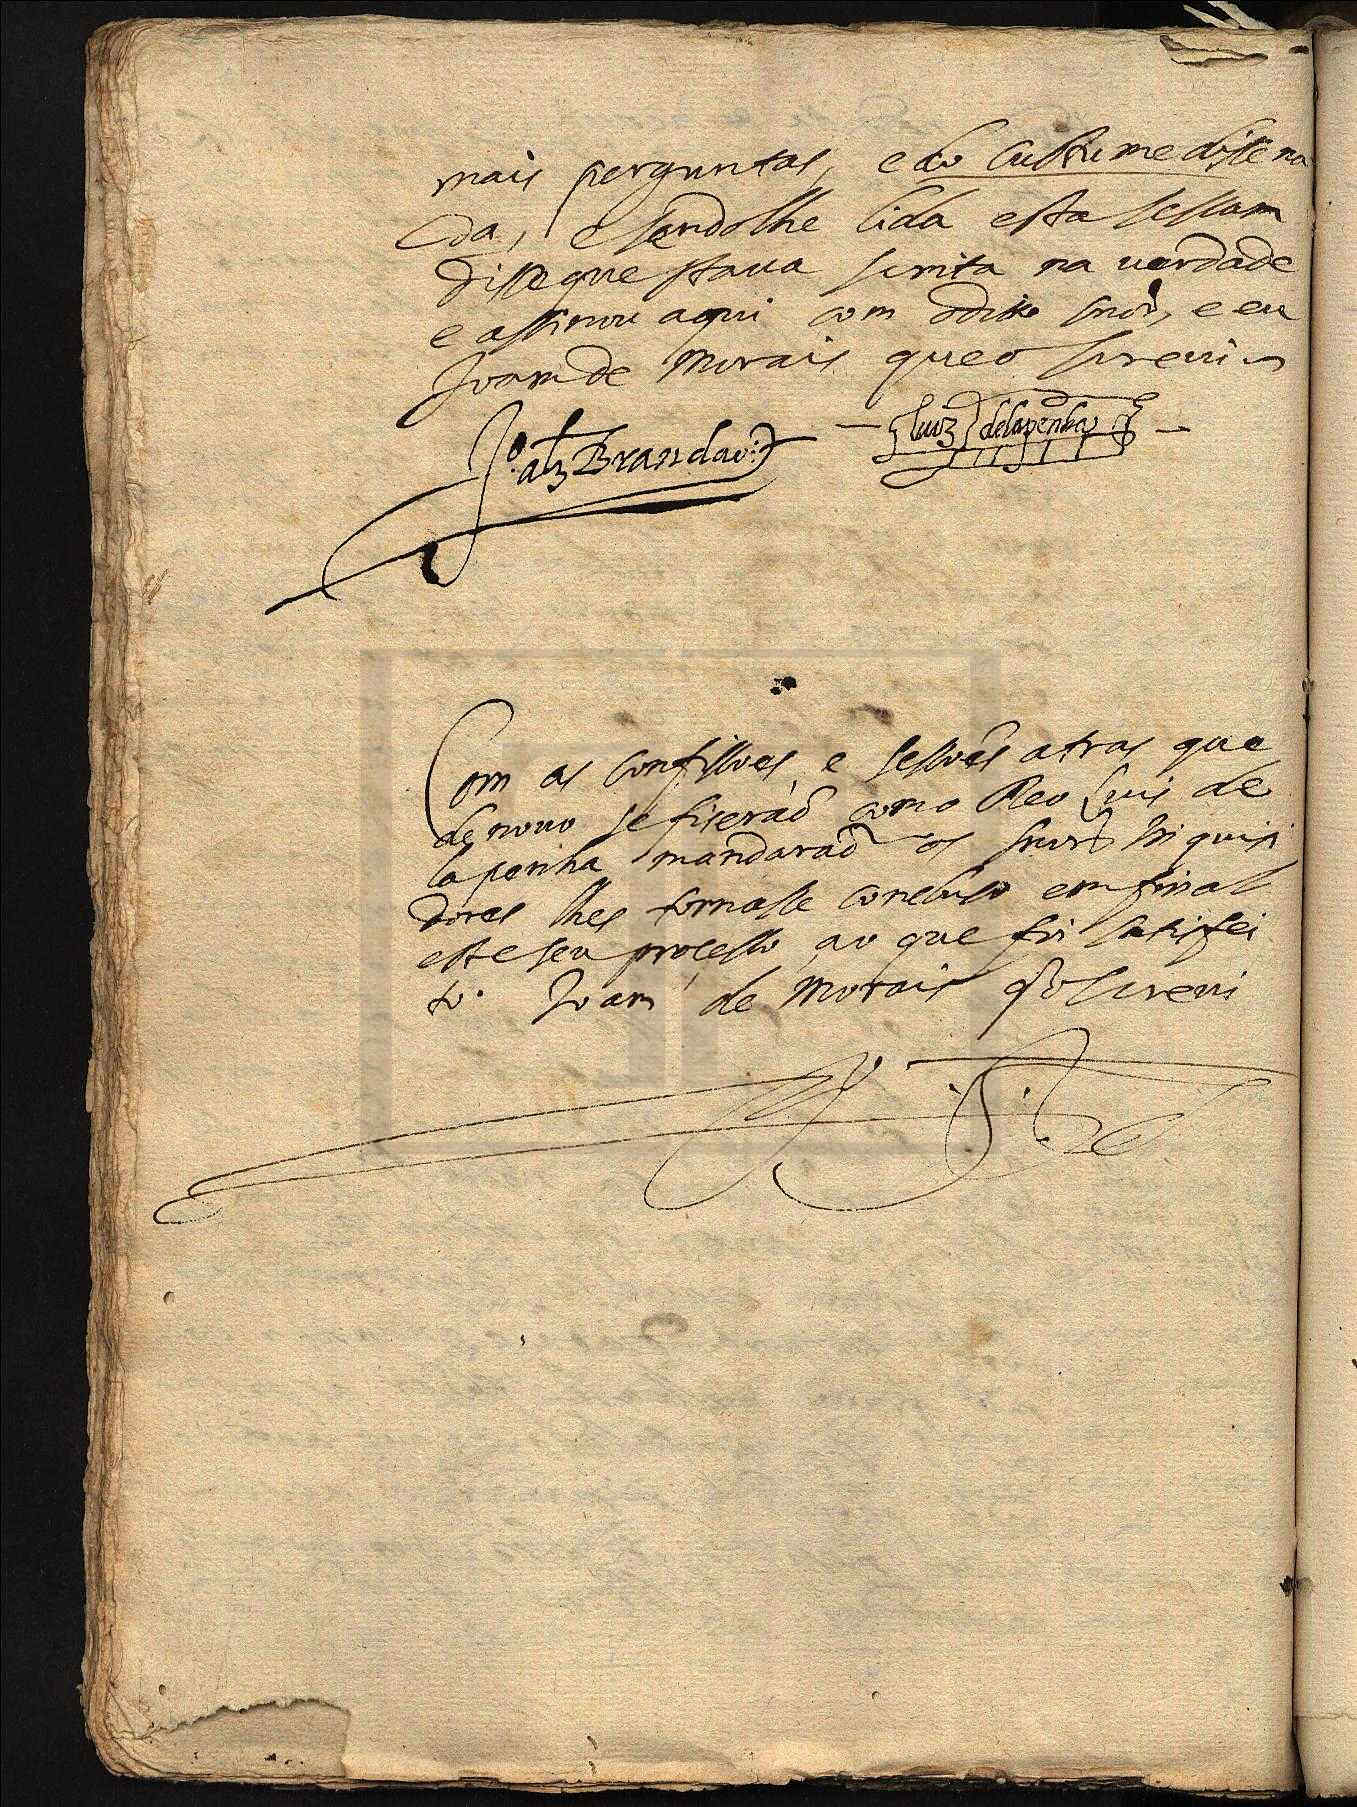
mais perguntas, e do custume disse na
da, e sendo lhe lida esta sessam
disse que staua scrita na verdade
e assinou aqui com o ditto Snor̄, e eu
Joam de Morais que o screvi
J.o alz Brandaõ
Luiz de LaPenha
Com as confissoes, e sessoes̄ atras que
de nouo se fiseraõ com o Reo Luis de
la penha mandaraõ os Snors̄ Jnquisi
dores lhes tornasse concluso em final
este seu proçesso ao que foi satisfei
to. Joam de Morais que o escrevi
Jo M.
